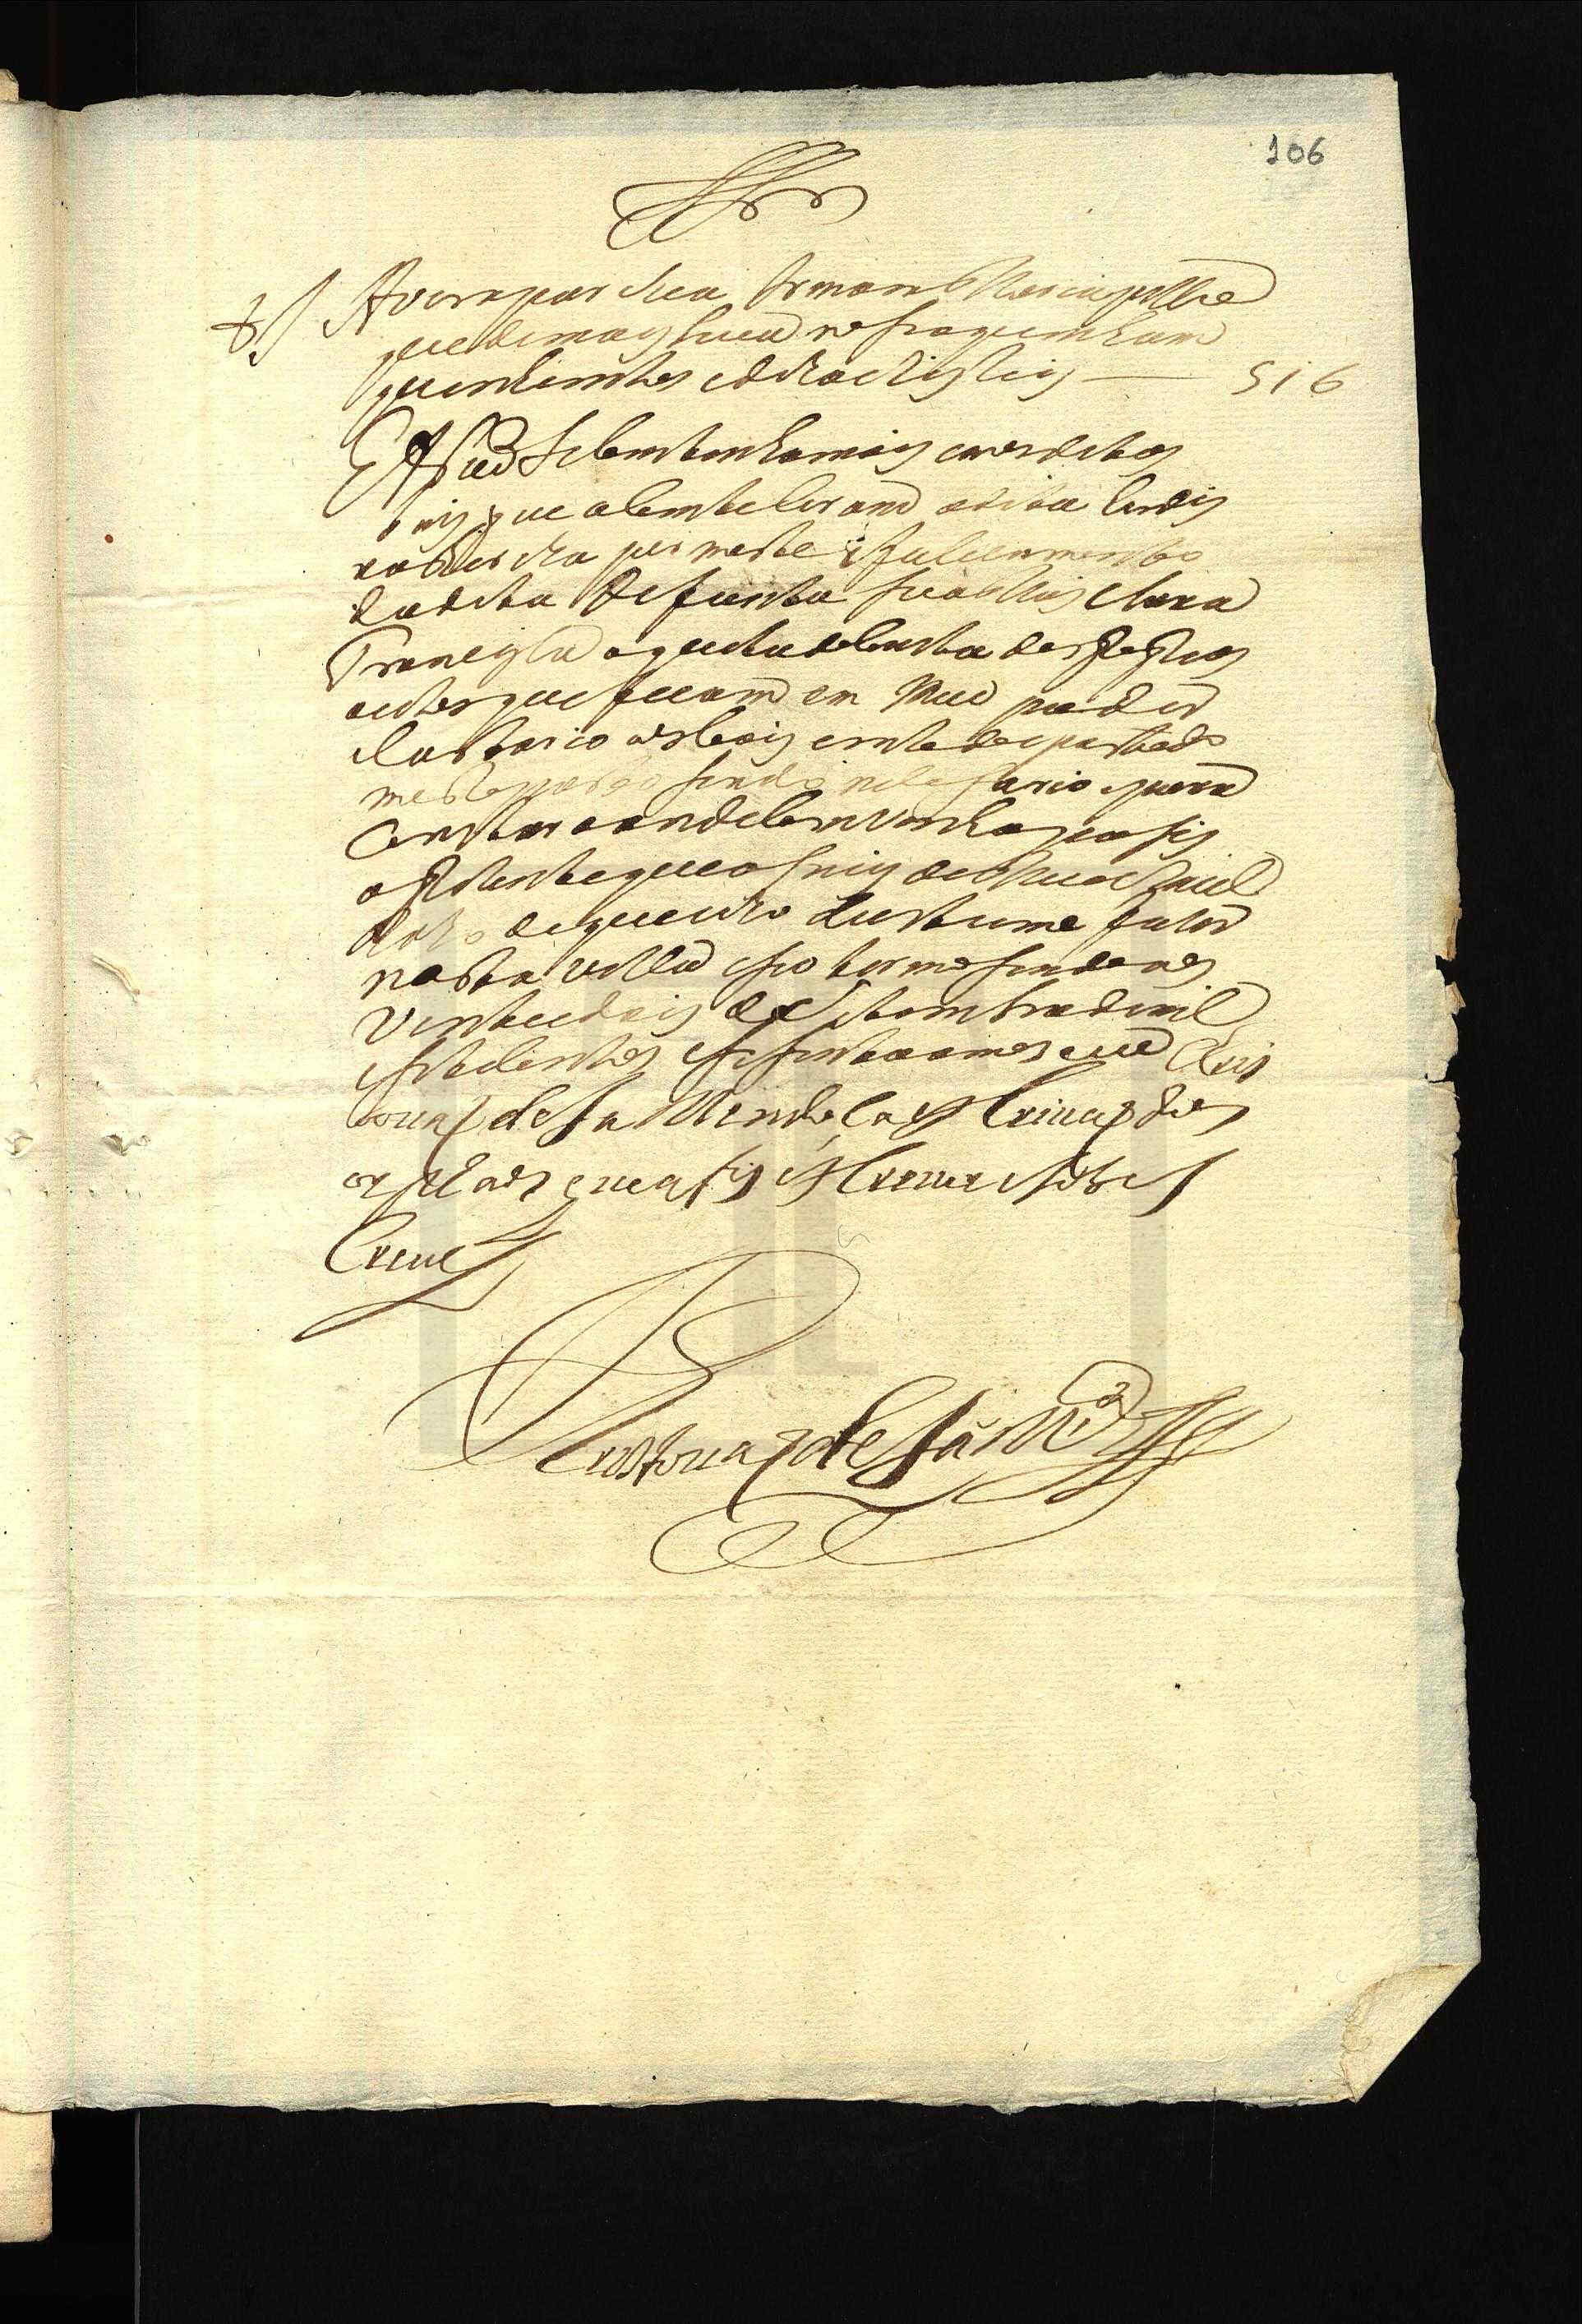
item Avera por sua Irmam Maria pello
que de mais leua no seo quinham
quinhentos e deZaseis Reis
516
E Naõ se Comtinha mais em os ditos
beis que aComteCeram a dita herdej
ra thereZa per morte e falecimento
da dita Defunta sua Maj clara
FrancisCa o que tudo Consta dos proprios
autos que ficam em Meu poder
e Cartorio aos Coais em todo e por todo
me Reporto sendo neCesario e para
Constar aonde Convenha que fis
a preZente que assinej de Meu sinal
RaZo de que uZo e Custumo fazer
nesta villa e seo termo sendo aos
vinte e dois de Setembro de mil
e seteCentos e sesenta annos e eu Chris
touão de Sa MendoÇa esCriuaõ dos
orphaos que a fis esCreuer e sobes
Creuy
